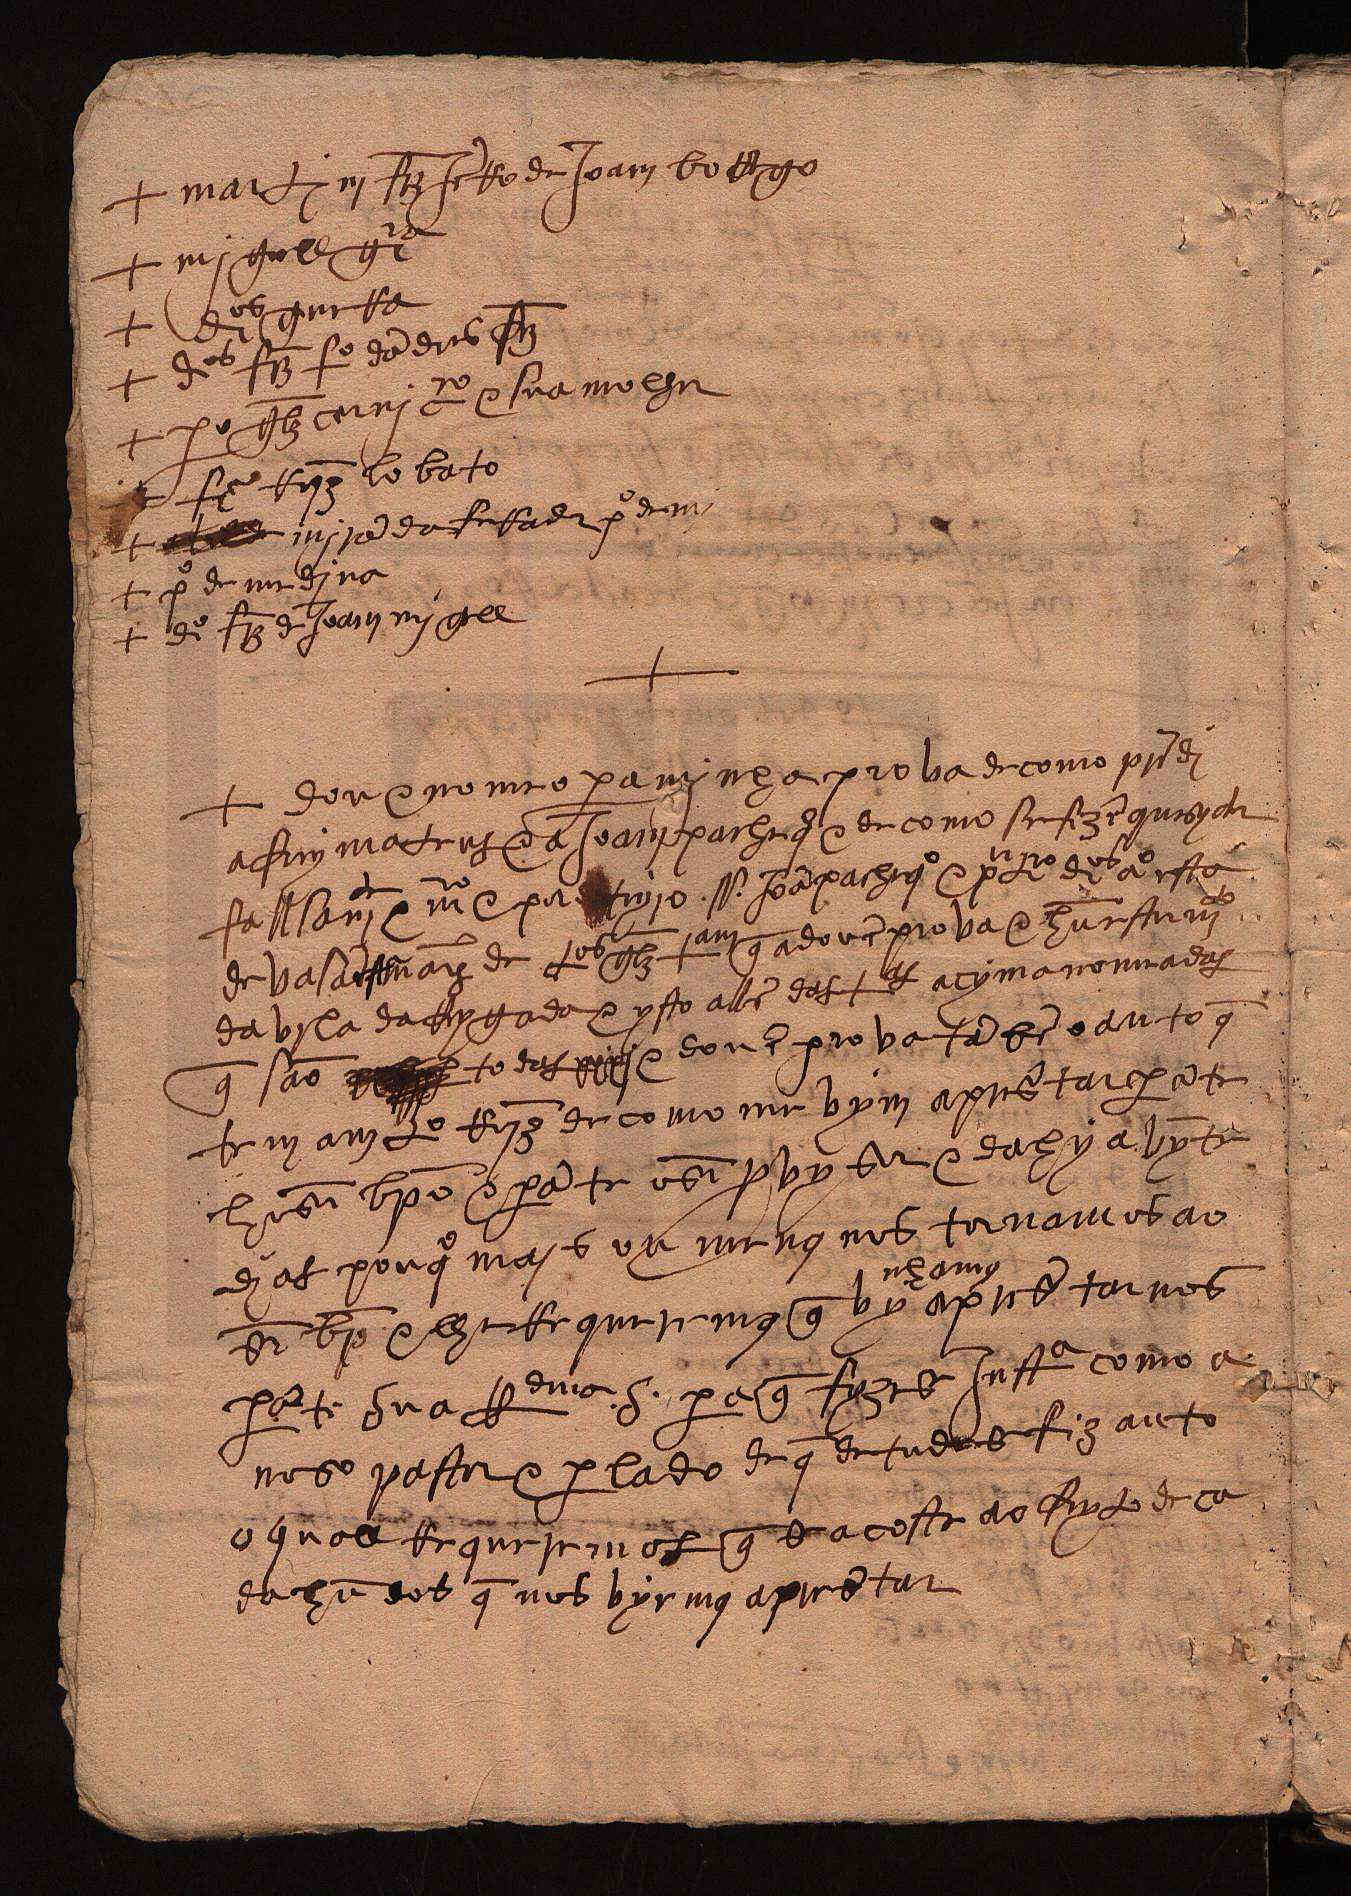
+ martjm fr̄z JēRo de Joam boRego
+ mjguel gria
+ dos gueRa
+ dos fr̄z fo dādres frz̄
+ po ḡlz carnjcro e sua molher
+ frco Roj̄z lobato
+ _ mjrāda feRador po de mj
+ po de medjna
+ do fr̄z de Joam mjgell
+ dou e nomeo ꝑa mjnha proba de como prēdj
a frey mateus e a Joam pacheq̄o e de como se fez ēquesydor
fallsamte e mro e por _teyro .ss. Joā pacheqo e portro dos ao esta
deVasa ē sta marḡda dos gl̄z tam q̄ a dou ē prova e hū estormto
da vjla da Reygada e ysto allē das tas acyma nomeadas
q̄ são _ todas xxxj e dou ē prova tābē o auto q̄
tem amto Roj̄z de como me vym apres̄tar ꝑāte
ho s̄or bpō e ꝑāte o s̄or ꝓvysor e dahy a vȳte
djas pouqo majs ou menꝯ nos tornamos ao
s̄r bpō e lhe Requeremꝯ q̄ vy
nhamꝯ
apres̄tarnos
ꝑāte sua Rdma .S. ꝑa q̄ fyzese Justa como a
noso pastor e ꝑlado de q̅ de tudo se fiz auto
o quall Requeremos q̄ se acosta ao feyto de ca
da hū dos q̄ nos vyemꝯ apre_tar
